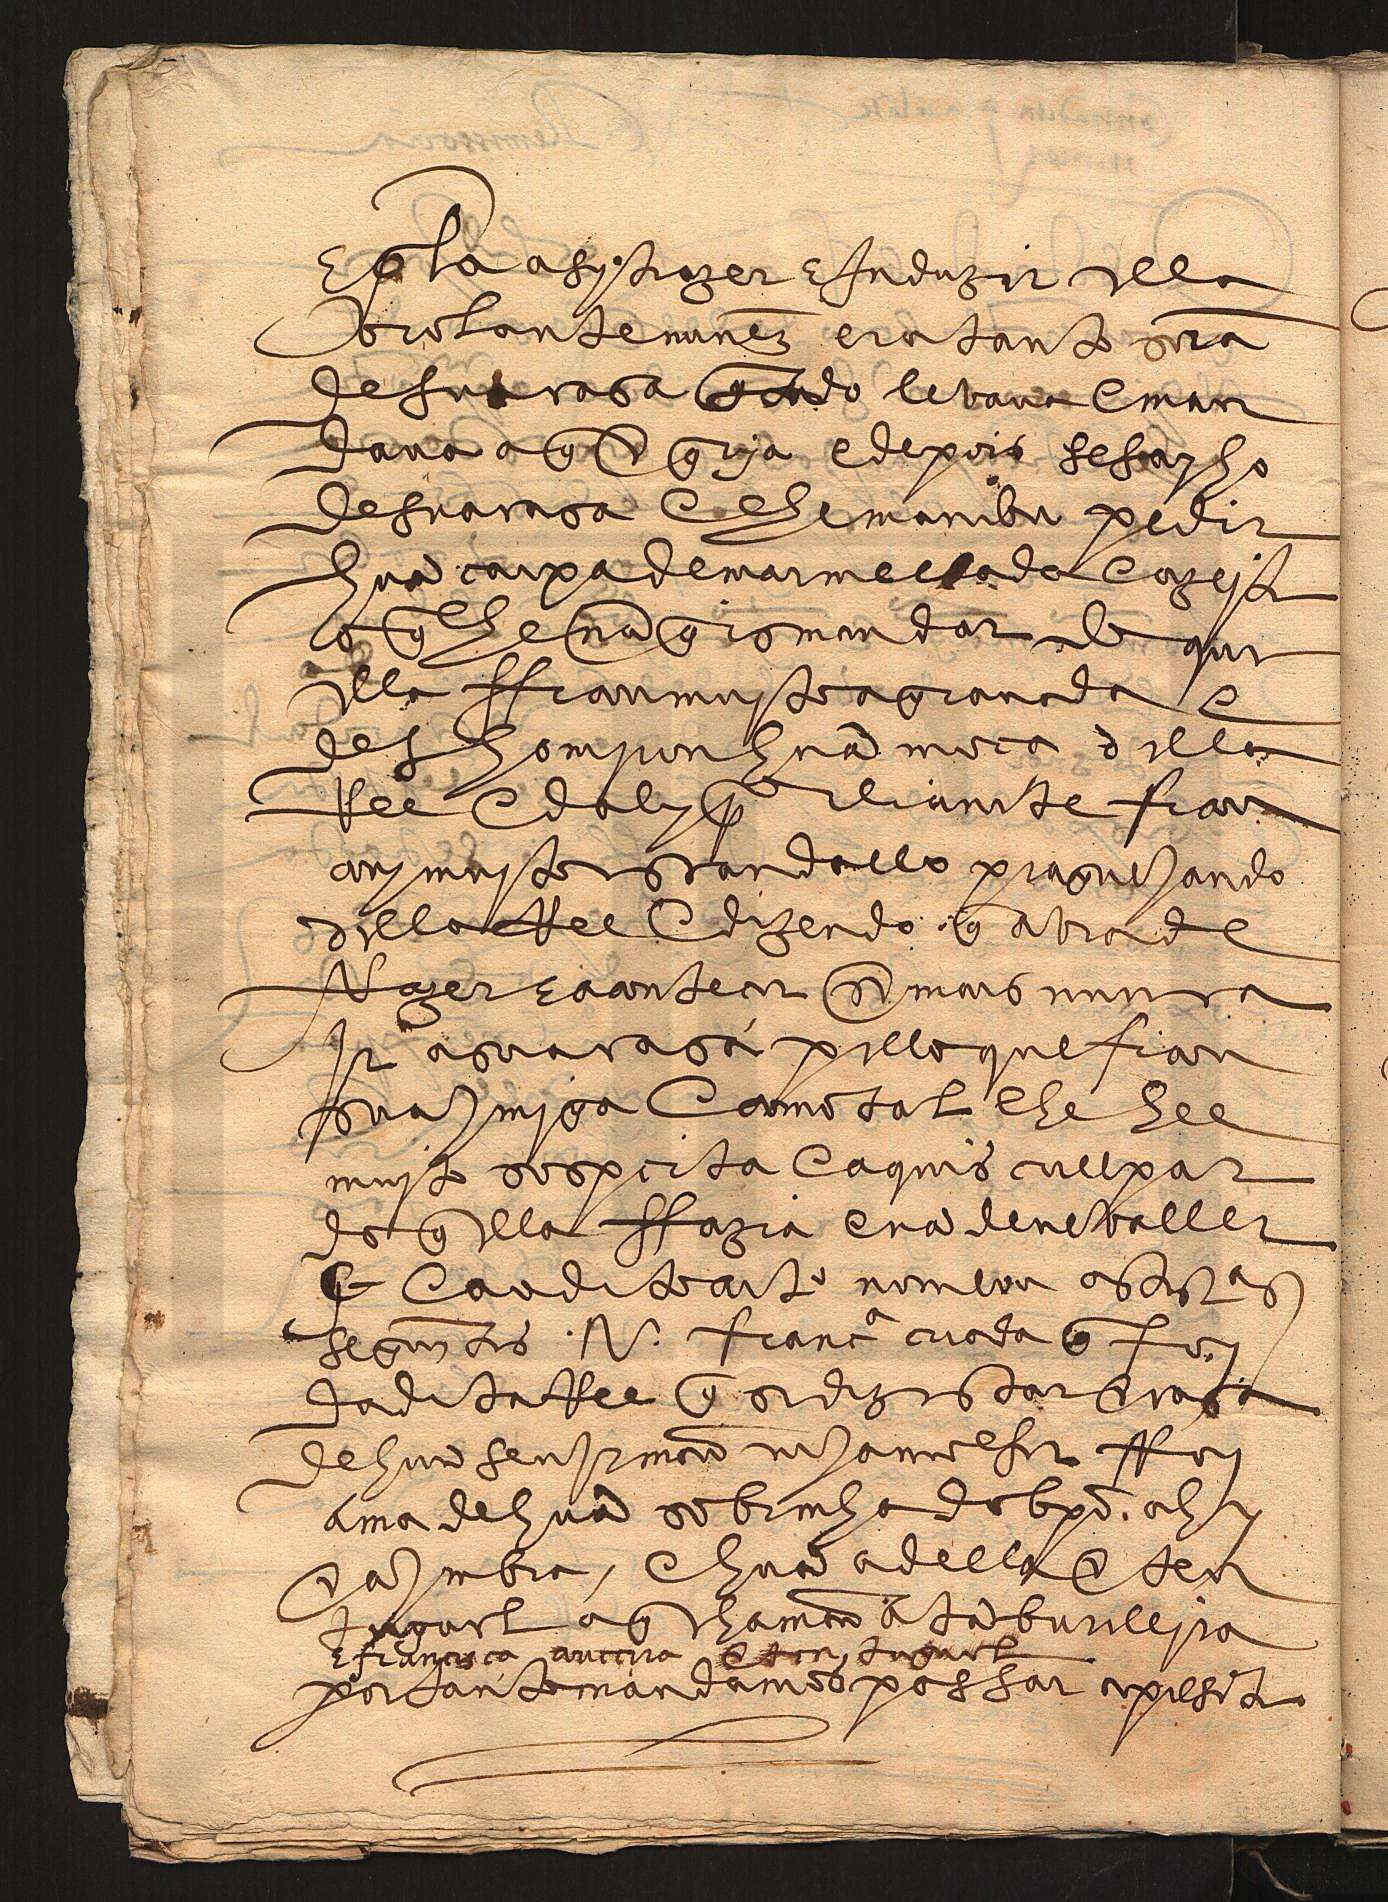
E p̄la asy trazer E Jnduzir ella
Violante nun̄ez era tanto s̄ora
de sua casa q̄ tudo levaua e man
daua a q̄ ēq̄rya e depois se sahjo
de sua casa e lhe mandou pedir
hua caixa de marmellada e azejte
o q̄ lhe nā q̄is mandar do que
ella fficou mujto agrauada e
deshomrrou huā moça della
Ree e daly por diamte ficou
com mujto escandallo pragueJando
della Ree e dizendo q̄ avia de
ffazer E acontecer sē mais nunca
Jr a sua casa pello que ficou
sua Jmjga e como taL lhe hee
mujto sospeita e a quis cullpar
do q̄ ella ffazia e nā deue valler
& e ao dito arto nomeou as testas
seḡuytes .ss. franca criada q̄ foy
da dita Ree q̄ se diz estar ē casa
de hūu seu Jrmão cuJa molher ffoy
ama de huā sobrinha do bp̄o ahy
ē coJmbra, e huā a della ē ten
tugueL a q̄ chamão a tāburilejra
E francisca couceira ē tentugueL
portanto mandamos passar a presēte
